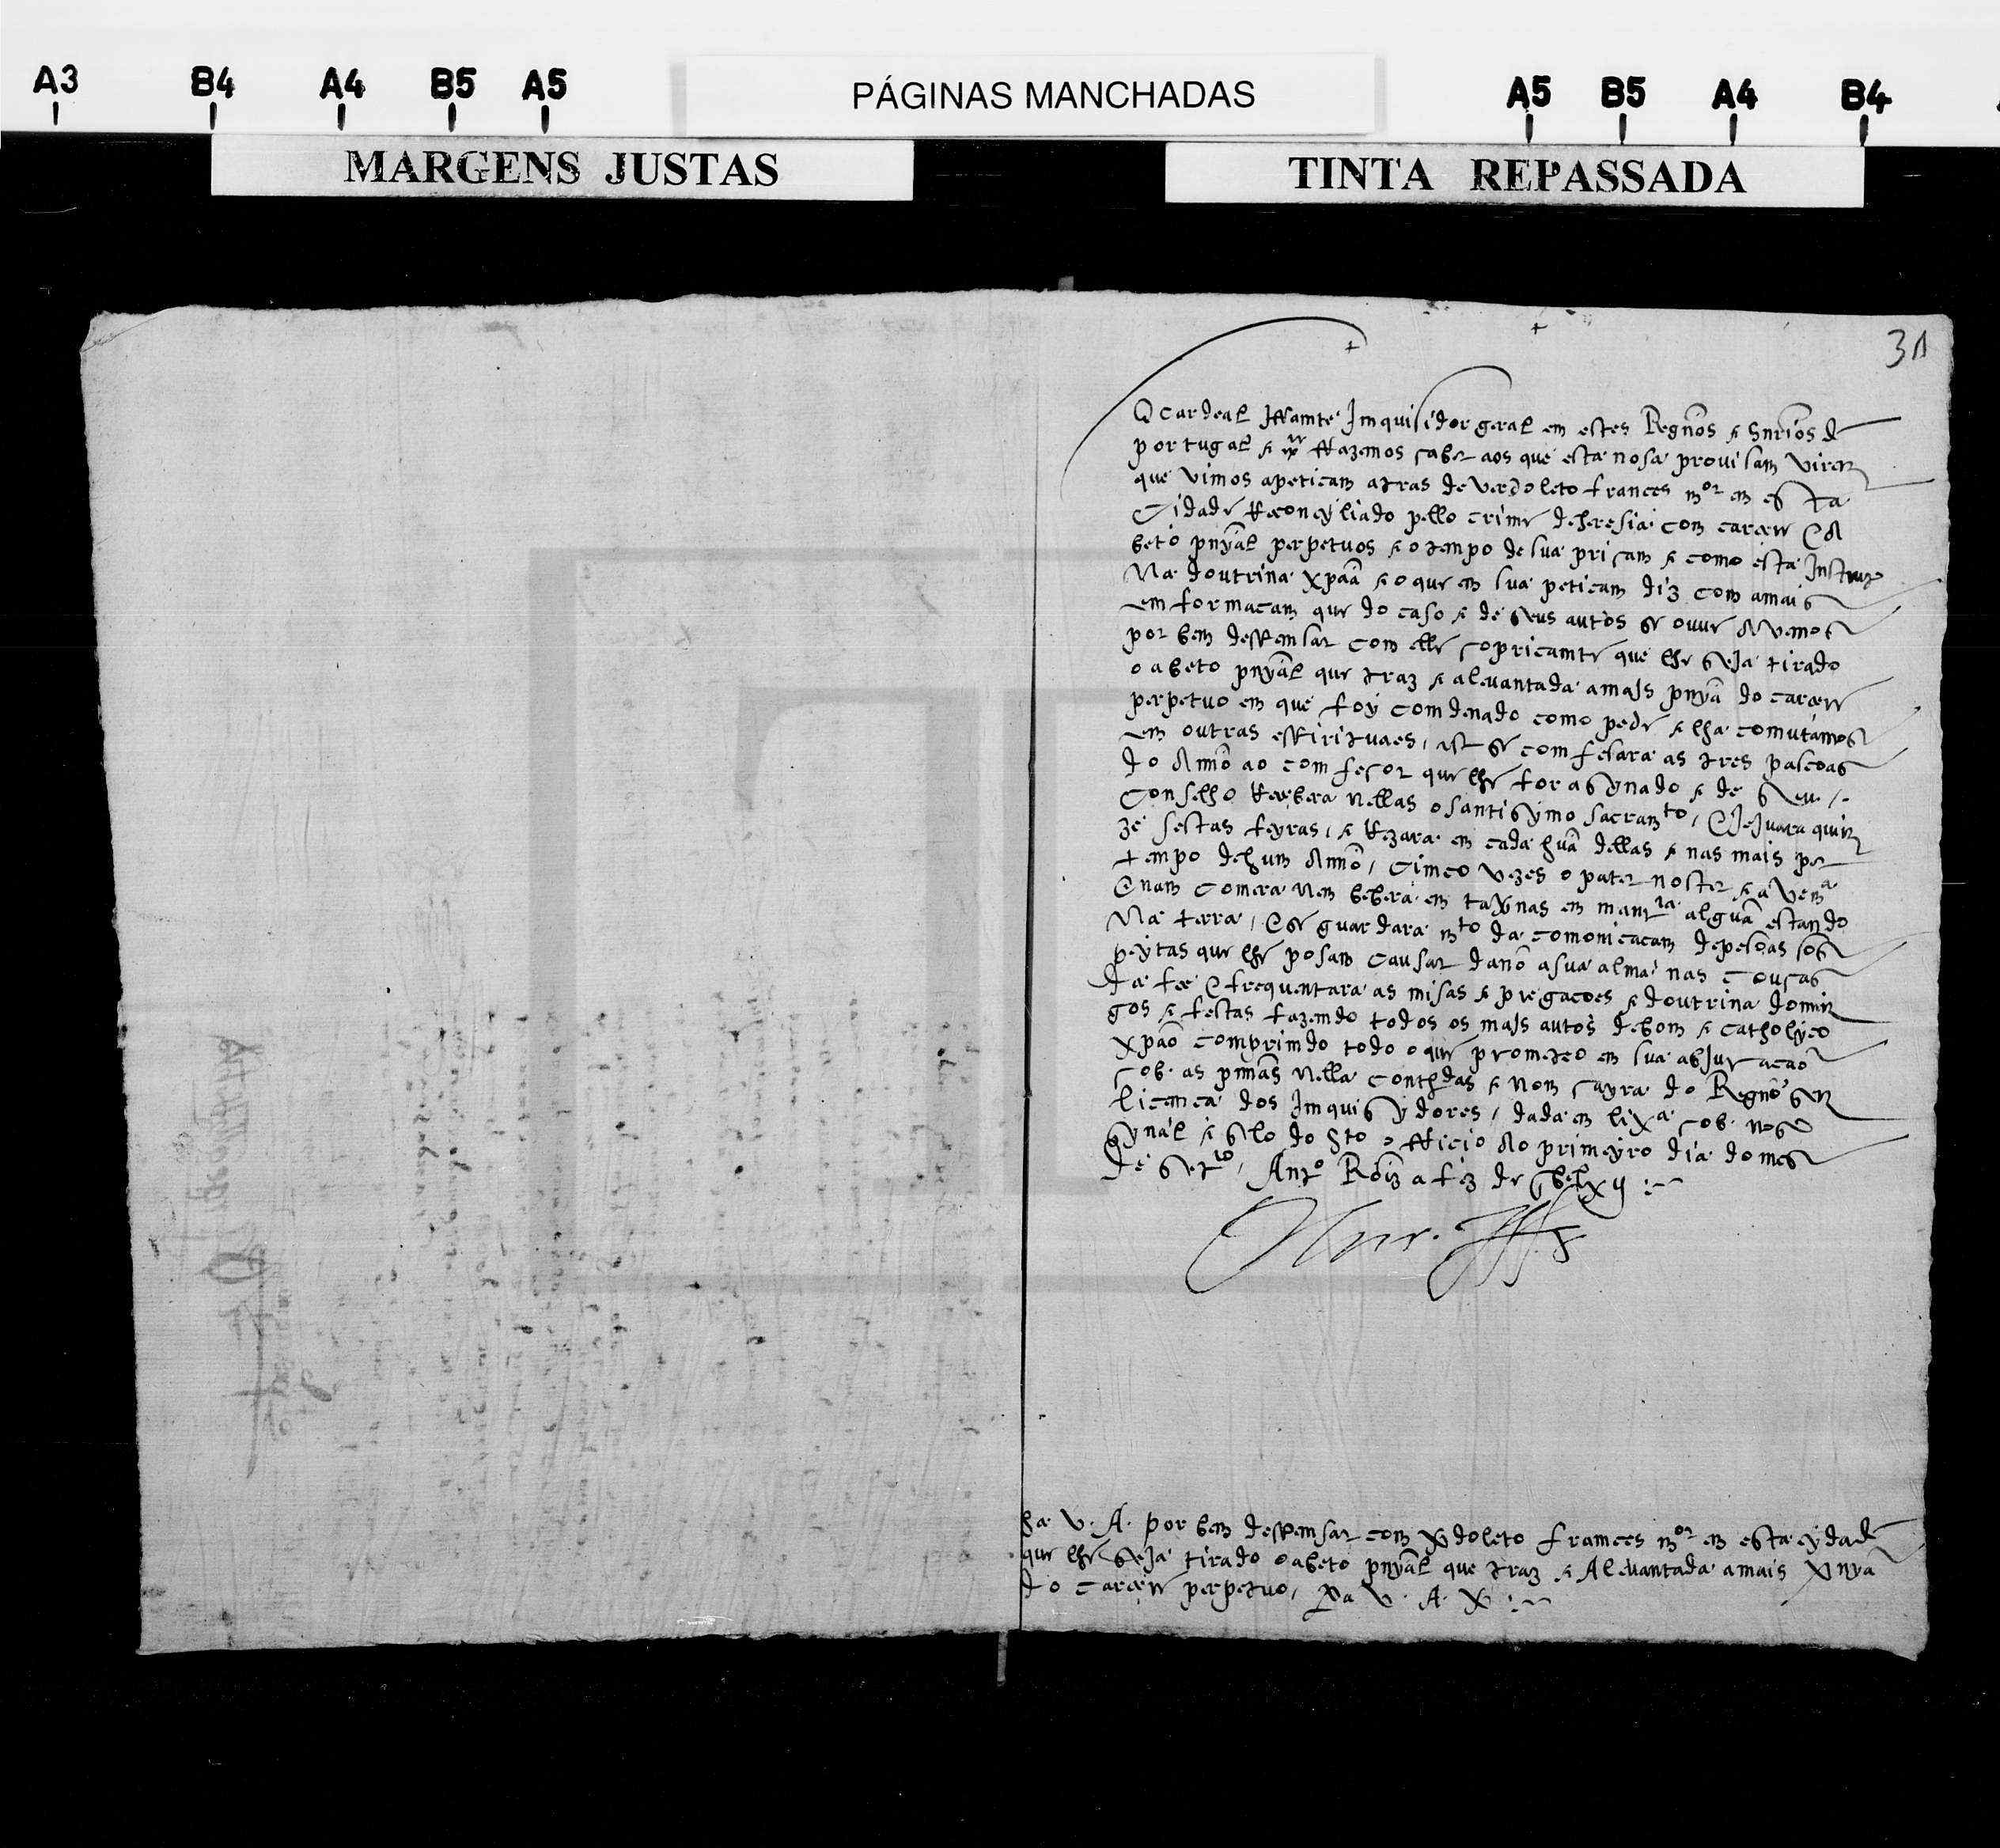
O cardeal Jffamte Jmquisidor geral em estes Regnos e Snrīos de
portugal e c̄ꝭ ffazemos saber aos que esta nosa prouisam virem
que vimos a petiçam atras de verdoleto frances mor em esta
Cidade Reconcyliado pello crime de heresia com carcere e A
beto pnȳal perpetuos e o tempo de sua prisam e como esta Jnstruto
na doutrina xpāa e o que em sua petiçam diz com a mais
emformaçam que do caso e de seus autos se ouue Avemos
por bem despemsar com elle sopricamte que lhe seJa tirado
o abeto pnȳal que traz e aleuantada a maJs pnȳa do carcere
perpetuo em que foy comdenado como pede e lha comutamos
em outras espirituaes, este se comfesara as tres pascoas
do Anno ao comfesor que lhe for asynado e de seu /.
conselho Recebera nellas o santisymo sacramto / E JeJuara quin
ze sestas feyras e Rezara em cada huā dellas e nas mais por
tempo de hum Annō cimco vezes o pater noster e ave ma
e nam comera nem bebera em taꝟnas em manrra alguā estando
na terra, e se guardara mto da comonicaçam de pesoas sos
peytas que lhe posam causar dano a sua alma nas cousas
da fee e frequentara as misas e pregaçoes e doutrina domin
gos e festas fazemdo todos os majs autos de bom e catholyco
xpão comprimdo todo o que prometeo em sua abjuraçaõ
sob as pnnās nella conthdas e nom sayra do Regno sem
licemça dos Jmquisydores / dada em lixa sob noso
synal e selo do Sto officio Ao primeyro dia do mes
de setro Anto Roīz a fez de j̄ bclxij
O Car. Jffꝭ
ha v. A. por bem despemsar com ꝟdoleto framces mor em esta cydade
que lhe seJa tirado o abeto pnyāl que traz e Aleuantada a mais pnyā
do carcere perpetuo, ꝑa v. A. ꝟ.
